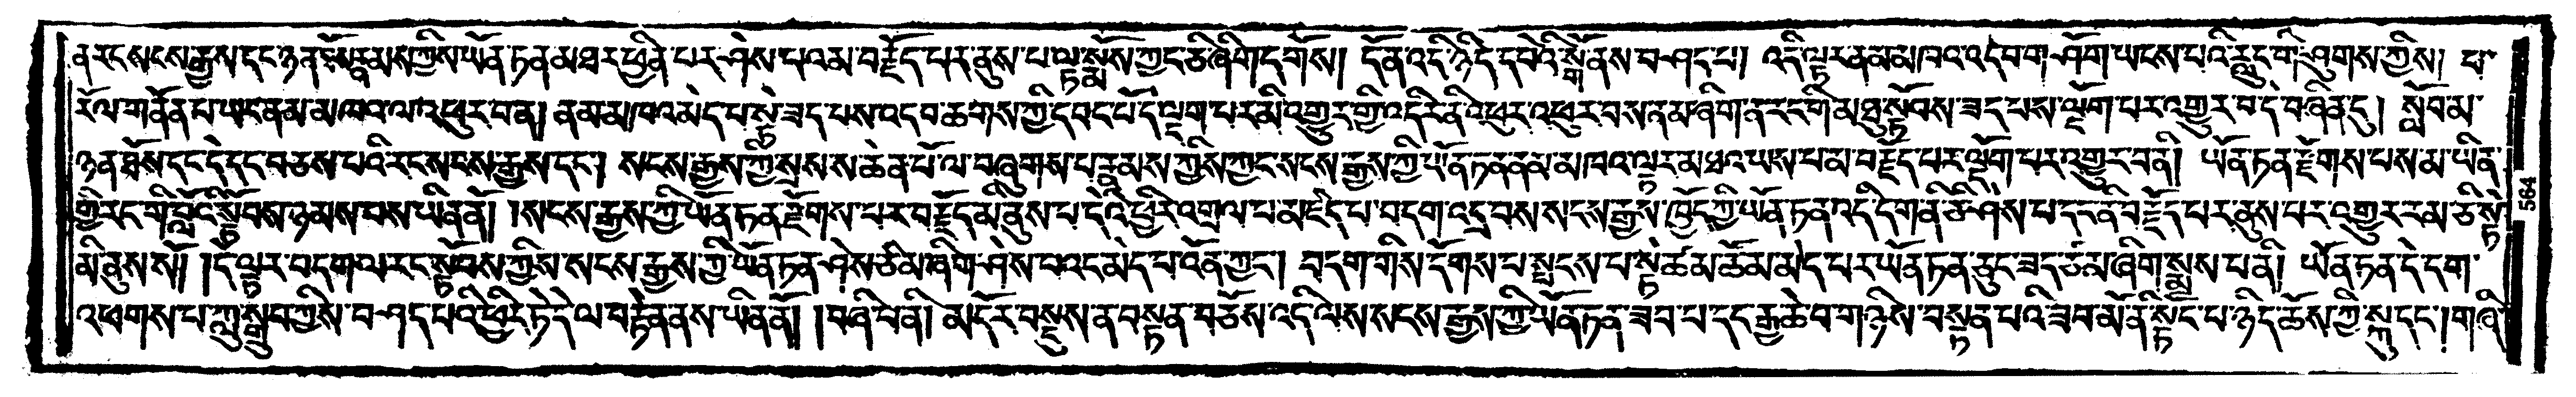ན་རང་སངས་རྒྱས་དང་ཉན་ཐོས་རྣམས་ཀྱིས་ཡོན་ཏན་མཐར་ཕྱིན་པར་ཤེས་པའམ་བརྗོད་པར་ནུས་པ་ལྟ་སྨོས་ཀྱང་ཅི་ཞིག་དགོས། དོན་འདི་ཉིད་དཔེའི་སྒོ་ནས་བཤད་པ། འདི་ལྟར་ན་མཁའ་འདབ་གཤོག་ཡངས་པའི་རླུང་གི་ཤུགས་ཀྱིས། ཕ་
རོལ་གནོན་པ་ཡང་ནམ་མཁའ་ལ་འཕུར་བ་ན། ནམ་མཁའ་མེད་པ་སྟེ་ཟད་པས་འདབ་ཆགས་ཀྱི་དབང་པོ་དེ་ལྡོག་པར་མི་འགྱུར་གྱི་འདིར་ནི་འདིར་འཕུར་འཕུར་བས་ནམ་ཞིག་ན་རང་གི་མཐུ་སྟོབས་ཟད་པས་ལྡོག་པར་འགྱུར་བ་དེ་བཞིན་དུ། སློབ་མ་
ཉན་ཐོས་དང་དེ་དང་བཅས་པའི་རང་སངས་རྒྱས་དང་། སངས་རྒྱས་ཀྱི་སྲས་ས་ཆེན་པོ་ལ་བཞུགས་པ་རྣམས་ཀྱིས་ཀྱང་སངས་རྒྱས་ཀྱི་ཡོན་ཏན་ནམ་མཁའ་ལྟར་མཐའ་ཡས་པ་མ་བརྗོད་པར་ལྡོག་པར་འགྱུར་བ་ནི། ཡོན་ཏན་རྫོགས་པས་མ་ཡིན་
གྱི་རང་གི་བློའི་སྟོབས་ཉམས་པས་ཡིན་ནོ། །སངས་རྒྱས་ཀྱི་ཡོན་ཏན་རྫོགས་པར་བརྗོད་མི་ནུས་པ་དེའི་ཕྱིར་འགྲེལ་པ་མཛད་པ་བདག་འདྲ་བས་སངས་རྒྱས་ཁྱོད་ཀྱི་ཡོན་ཏན་འདི་དག་ནི་ཅི་ཤེས་པ་དང་ནི་བརྗོད་པར་ནུས་པར་འགྱུར་རམ་ཅི་སྟེ་
མི་ནུས་སོ། །དེ་ལྟར་བདག་ལ་རང་སྟོབས་ཀྱིས་སངས་རྒྱས་ཀྱི་ཡོན་ཏན་ཤེས་ཙམ་ཞིག་ཤེས་པའང་མེད་པ་འོན་ཀྱང་། བདག་གིས་དོགས་པ་སྤངས་པ་སྟེ་ཚམ་ཚོམ་མེད་པར་ཡོན་ཏན་ཅུང་ཟད་ཙམ་ཞིག་སྨྲས་པ་ནི། ཡོན་ཏན་དེ་དག་
འཕགས་པ་ཀླུ་སྒྲུབ་ཀྱིས་བཤད་པའི་ཕྱིར་ཏེ་དེ་ལ་བརྟེན་ནས་ཡིན་ནོ། །བཞི་པ་ནི། མདོར་བསྡུས་ན་བསྟན་བཅོས་འདི་ལས་སངས་རྒྱས་ཀྱི་ཡོན་ཏན་ཟབ་པ་དང་རྒྱ་ཆེ་བ་གཉིས་བསྟན་པའི་ཟབ་མོ་ནི་སྟོང་པ་ཉིད་ཆོས་ཀྱི་སྐུ་དང་། གཞི་